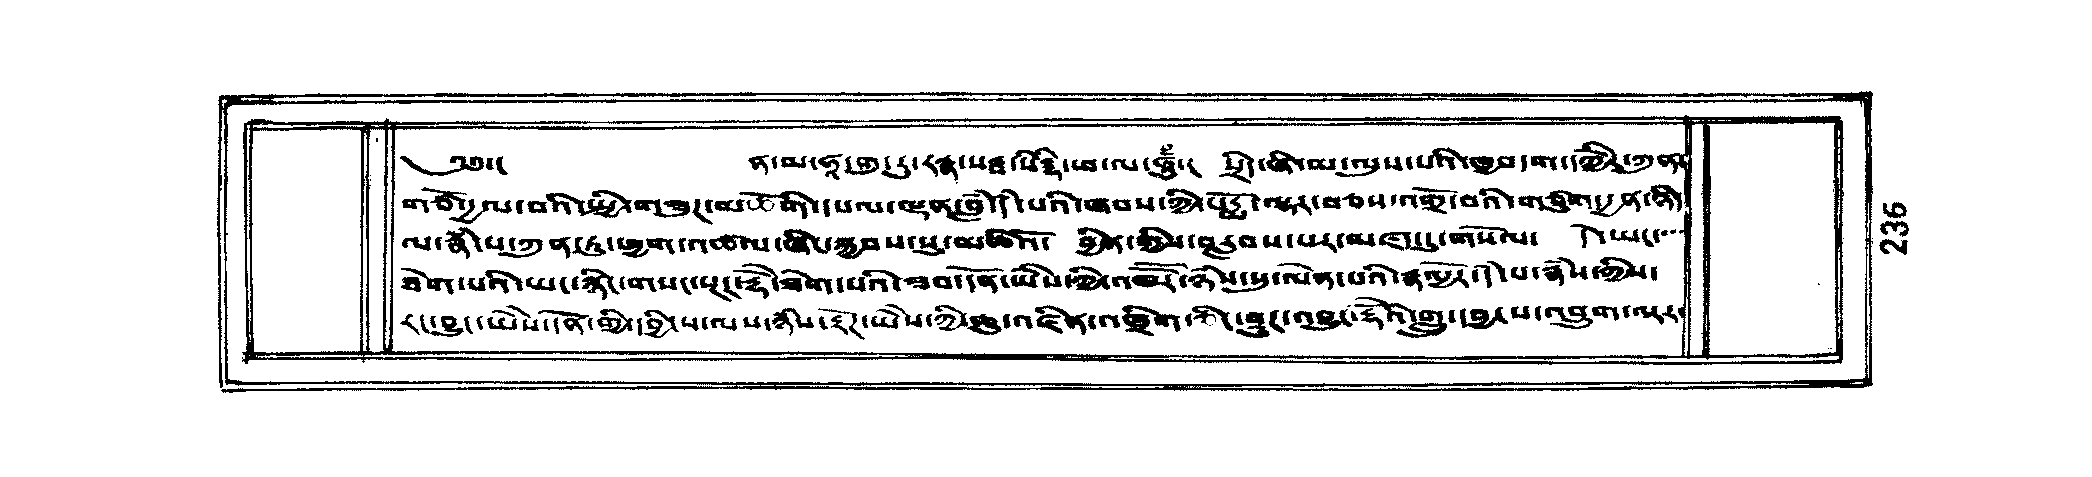ན་མོ་མ་ཧཱ་གུ་རུ་རཏྣ་སརྦ་སིདྡྷི་ཕ་ལ་ཧཱུྃ། སྲིད་ཞི་མ་ལུས་པའི་ཁྱབ་བདག་དཀྱིལ་འཁོར་ཀུན་
གཙོ་རྒྱལ་བའི་སྤྱི་གཟུགས་མཆོག་གི་དཔལ་ལྡན་བླ་མ་དམ་པའི་ཞབས་ཀྱི་པདྨོ་ལྷར་བཅས་འགྲོ་བའི་གཙུག་རྒྱན་ཉིད་
ལ་རྣམ་ཀུན་ཏུ་ཕྱག་འཚལ་ཞིང་སྐྱབས་སུ་མཆིའོ། བྱིན་གྱིས་བརླབ་པར་མཛད་དུ་གསོལ། དེ་ཡང་
ཐེག་པའི་ཡང་སྙིང་གསང་སྔགས་རྡོ་རྗེ་ཐེག་པའི་ཟབ་དོན་ཡེ་ཤེས་ཀྱི་འཁོར་ལོ་ཉམས་སུ་ལེན་པའི་རྣལ་འབྱོར་དམ་པ་རྣམས་ཀྱིས་
རང་བྱུང་ཡེ་ཤེས་དོན་གྱི་དབྱིངས་ལས་ཉམས་རྟོགས་ཡེ་ཤེས་ཀྱི་ཆུ་འཛིན་འཁྲིག་ཅིང་ཤུགས་འབྱུང་རྡོ་རྗེའི་གླུ་དབྱངས་འབྲུག་ལྟར་